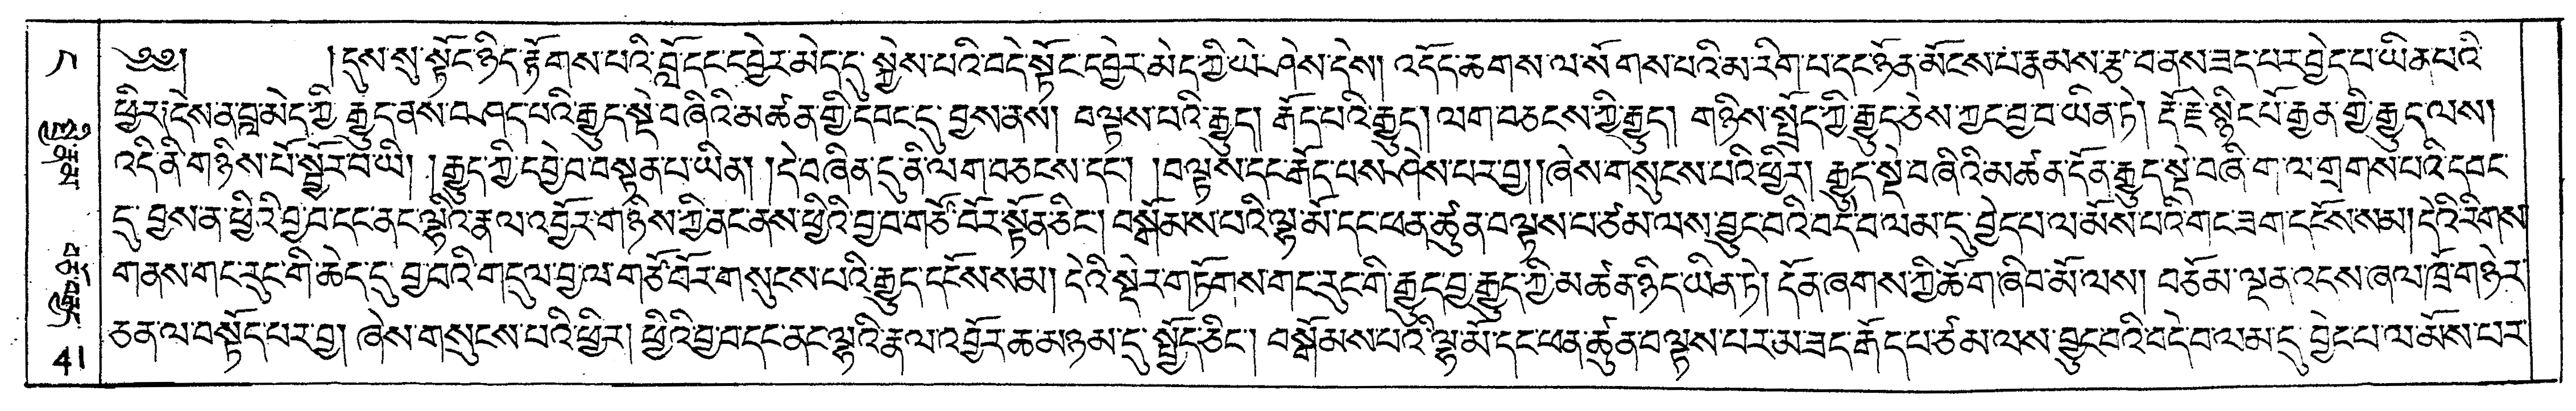༄༅། །དུས་སུ་སྟོང་ཉིད་རྟོགས་པའི་བློ་དང་དབྱེར་མེད་དུ་སྐྱེས་པའི་བདེ་སྟོང་དབྱེར་མེད་ཀྱི་ཡེ་ཤེས་དེས། འདོད་ཆགས་ལ་སོགས་པའི་མ་རིག་པ་དང་ཉོན་མོངས་པ་རྣམས་རྩ་བ་ནས་ཟད་པར་བྱེད་པ་ཡིན་པའི་
ཕྱིར། དེས་ན་བླ་མེད་ཀྱི་རྒྱུད་ནས་བཤད་པའི་རྒྱུད་སྡེ་བཞིའི་མཚན་གྱི་དབང་དུ་བྱས་ནས། བལྟས་པའི་རྒྱུད། རྒོད་པའི་རྒྱུད། ལག་བཅངས་ཀྱི་རྒྱུད། གཉིས་སྤྲོད་ཀྱི་རྒྱུད་ཅེས་ཀྱང་བྱ་བ་ཡིན་ཏེ། རྡོ་རྗེ་སྙིང་པོ་རྒྱན་གྱི་རྒྱུད་ལས།
འདི་ནི་གཉིས་པོ་སྦྱོར་བ་ཡི། །རྒྱུད་ཀྱི་དབྱེ་བ་བསྟན་པ་ཡིན། །དེ་བཞིན་དུ་ནི་ལག་བཅངས་དང་། །བལྟས་དང་རྒོད་པས་ཤེས་པར་བྱ། །ཞེས་གསུངས་པའི་ཕྱིར། རྒྱུད་སྡེ་བཞིའི་མཚན་དོན་རྒྱུད་སྡེ་བཞི་ག་ལ་གྲགས་པའི་དབང་
དུ་བྱས་ན་ཕྱིའི་བྱ་བ་དང་ནང་ལྷའི་རྣལ་འབྱོར་གཉིས་ཀྱི་ནང་ནས་ཕྱིའི་བྱ་བ་གཙོ་བོར་སྟོན་ཅིང་། བསྒོམས་པའི་ལྷ་མོ་དང་ཕན་ཚུན་བལྟས་པ་ཙམ་ལས་བྱུང་བའི་བདེ་བ་ལམ་དུ་བྱེད་པ་ལ་མོས་པའི་གང་ཟག་དངོས་སམ། དེའི་རིགས་
གནས་གང་རུང་གི་ཆེད་དུ་བྱ་བའི་གདུལ་བྱ་ལ་གཙོ་བོར་གསུངས་པའི་རྒྱུད་དངོས་སམ། དེའི་སྡེར་གཏོགས་གང་རུང་གི་རྒྱུད་བྱ་རྒྱུད་ཀྱི་མཚན་ཉིད་ཡིན་ཏེ། དོན་ཞགས་ཀྱི་ཆོ་ག་ཞིབ་མོ་ལས། བཅོམ་ལྡན་འདས་ཞལ་ཁྲོ་གཉེར་
ཅན་ལ་བསྟོད་པར་བྱ། ཞེས་གསུངས་པའི་ཕྱིར། ཕྱིའི་བྱ་བ་དང་ནང་ལྷའི་རྣལ་འབྱོར་ཆ་མཉམ་དུ་སྤྱོད་ཅིང་། བསྒོམས་པའི་ལྷ་མོ་དང་ཕན་ཚུན་བལྟས་པར་མ་ཟད་རྒོད་པ་ཙམ་ལས་བྱུང་བའི་བདེ་བ་ལམ་དུ་བྱེད་པ་ལ་མོས་པར་